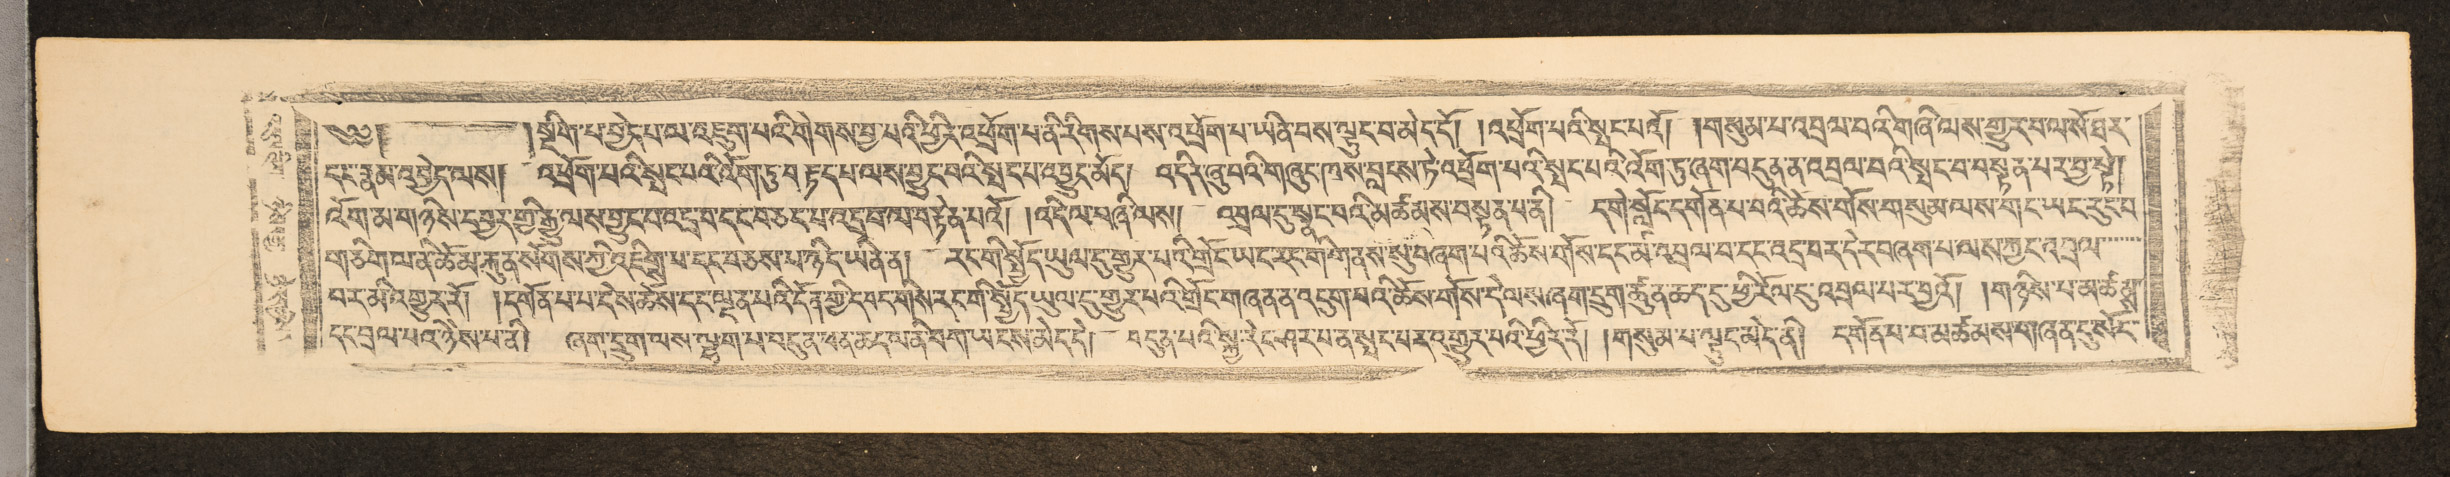༄༅། །སྡིག་པ་བྱེད་པ་ལ་འཇུག་པའི་གེགས་བྱ་བའི་ཕྱིར་འཕྲོག་པ་ནི་རིགས་པས་འཕྲོག་པ་ཡིན་པས་ལྟུང་བ་མེད་དོ། །འབྲོག་པའི་སྦང་པའོ། །གསུམ་པ་འབྲལ་བའི་གཞི་ལས་གྱུར་པལ་སོ་ཐར་
དང་རྣམ་འབྱེད་ལས། འཕྲོག་པའི་སྤང་བའི་འོག་དུ་བརྟད་པ་ལས་བྱུང་བའི་སྤང་བ་འབྱུང་མོད། འདིར་ཞུ་བའི་གཞུང་ཁཾས་བླངས་ཏེ་འཕྲོག་པའི་སྤང་བའི་འོག་ཏུ་ཞག་བདུན་ན་འབྲལ་པའི་སྤང་བ་བསྟན་པར་བྱ་སྟེ།
འོག་མ་གཉིས་དབྱར་གྱི་རྒྱུ་ལས་བྱུང་བ་འདྲ་བ་དང་བཅང་པ་འདྲ་བ་ལ་བརྟེན་པའོ། །འདི་ལ་བཞི་ལས། འབྲལ་དུ་སྣང་བའི་མཚམས་བསྟན་པ་ནི། དགེ་སློང་དགོན་པ་བའི་ཆོས་གོས་གསུམ་ལས་གང་ཡང་རུང་བ་
གཅིག་ལ་ནི་ཆོམ་རྐུན་སོགས་ཀྱི་འཇིགས་པ་དང་བཅས་པ་ཉིད་ཡིན་ན། རང་གི་སྤྱོད་ཡུལ་དུ་གྱུར་པའི་གྲོང་ཡང་རང་གི་གནས་སུ་བཞག་པའི་ཆོས་གོས་དང་མི་འབྲལ་བ་དང་འདྲ་བར་དེར་བཞག་པ་ལས་ཀྱང་འབྲལ་
བར་མི་འགྱུར་རོ། །དགོན་པ་བ་དེས་ཆོས་དང་ལྡན་པའི་དོན་གྱི་དབང་གིས་རང་གི་སྤྱོད་ཡུལ་དུ་གྱུར་པའི་གྲོང་གཞན་ན་འདུག་པའི་ཆོས་གོས་དེ་ལས་ཞག་དྲུག་ཚུན་ཆད་དུ་ཕྱི་རོལ་དུ་འབྲལ་བར་བྱའོ། །གཉིས་པ་མཚམས་
དང་བྲལ་བའི་ཉེས་པ་ནི། ཞག་དྲུག་ལས་ལྷག་པ་བདུན་བན་ཆད་ལ་ནི་བག་ཡངས་མེད་དེ། བདུན་པའི་སྐྱ་རེང་ཤར་བ་ན་སྤང་བར་འགྱུར་བའི་ཕྱིར་རོ། །གསུམ་པ་ལྟུང་མེད་ནི། དགོན་པ་པ་མཚམས་གཞན་དུ་སོང་